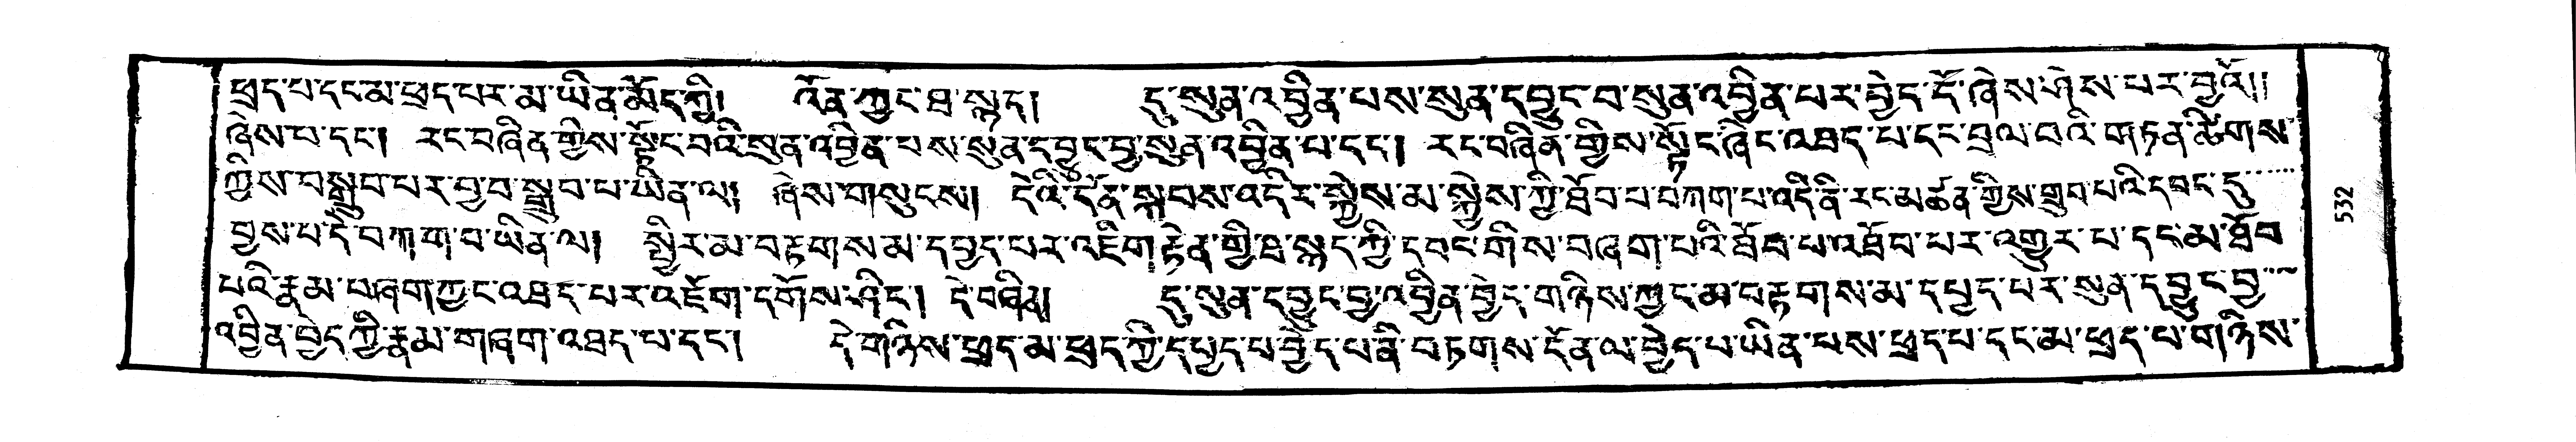ཕྲད་པ་དང་མ་ཕྲད་པར་མ་ཡིན་མོད་ཀྱི། འོན་ཀྱང་ཐ་སྙད། དུ་སུན་འབྱིན་པས་སུན་དབྱུང་བ་སུན་འབྱིན་པར་བྱེད་དོ་ཞེས་ཤེས་པར་བྱའོ། །
ཞེས་པ་དང་། རང་བཞིན་གྱིས་སྟོང་བའི་སུན་འབྱིན་པས་སུན་དབྱུང་བྱ་སུན་འབྱིན་པ་དང་། རང་བཞིན་གྱིས་སྟོང་ཞིང་འཐད་པ་དང་བྲལ་བའི་གཏན་ཚིགས་
ཀྱིས་བསྒྲུབ་པར་བྱ་བ་སྒྲུབ་པ་ཡིན་ལ། ཞེས་གསུངས། དེའི་དོན་སྐབས་འདིར་སྐྱེས་མ་སྐྱེས་ཀྱི་ཐོབ་པ་བཀག་པ་འདི་ནི་རང་མཚན་གྱིས་གྲུབ་པའི་དབང་དུ་
བྱས་པ་དེ་བཀག་པ་ཡིན་ལ། སྤྱིར་མ་བརྟགས་མ་དཔྱད་པར་འཇིག་རྟེན་གྱི་ཐ་སྙད་ཀྱི་དབང་གིས་བཞག་པའི་ཐོབ་པ་འཐོབ་པར་འགྱུར་པ་དང་མ་ཐོབ་
པའི་རྣམ་བཞག་ཀྱང་འཐད་པར་འཇོག་དགོས་ཤིང་། དེ་བཞིན། དུ་སུན་དབྱུང་བྱ་འབྱིན་བྱེད་གཉིས་ཀྱང་མ་བརྟགས་མ་དཔྱད་པར་སུན་དབྱུང་བྱ་
འབྱིན་བྱེད་ཀྱི་རྣམ་གཞག་འཐད་པ་དང་། དེ་གཉིས་ཕྲད་མ་ཕྲད་ཀྱི་དཔྱད་པ་བྱེད་པ་ནི་བཏགས་དོན་ལ་བྱེད་པ་ཡིན་པས་ཕྲད་པ་དང་མ་ཕྲད་པ་གཉིས་